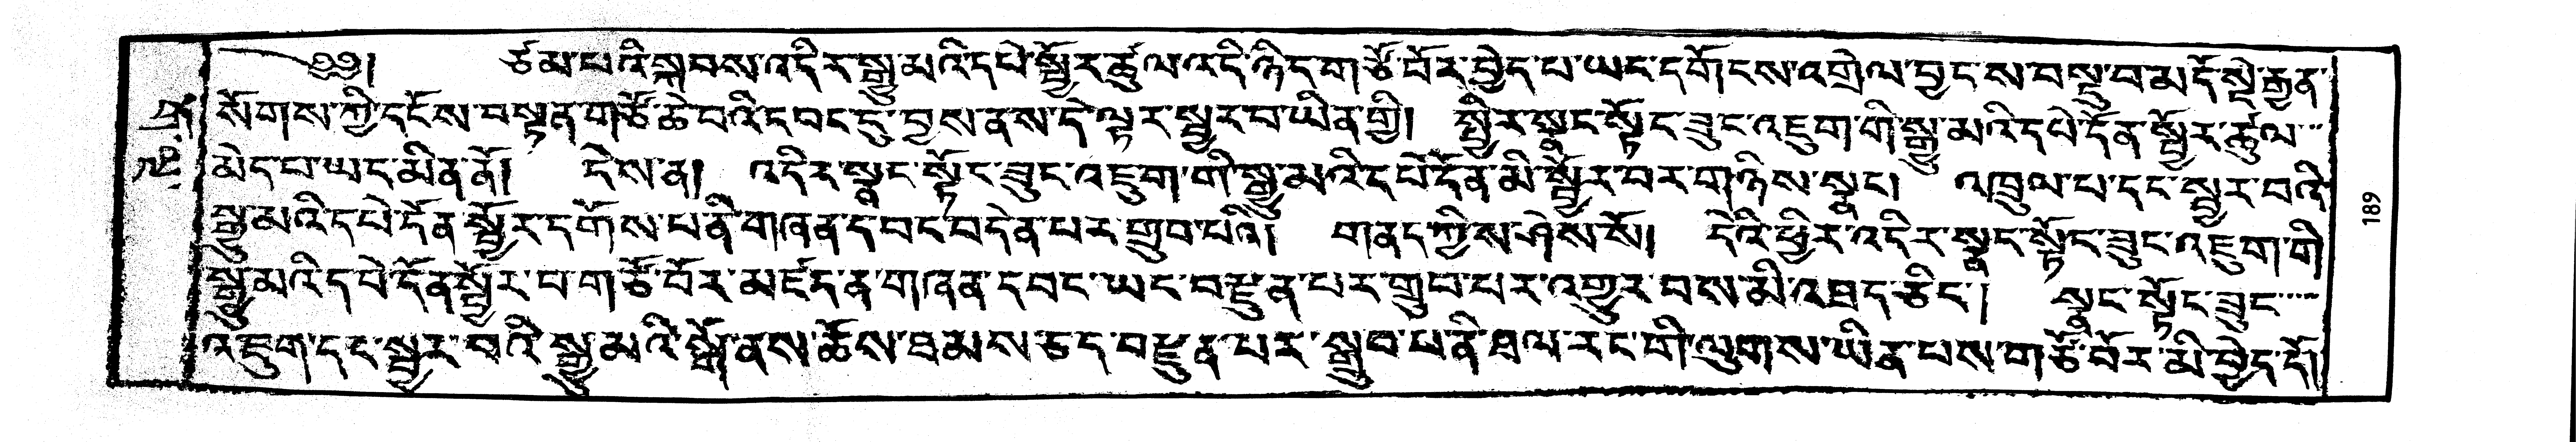༄༅། །ཙམ་པའི་སྐབས་འདིར་སྒྱུ་མའི་དཔེ་སྦྱོར་ཚུལ་འདི་ཉིད་གཙོ་བོར་བྱེད་པ་ཡང་དགོངས་འགྲེལ་བྱང་ས་བསྡུ་བ་མདོ་སྡེ་རྒྱན་
སོགས་ཀྱི་དངོས་བསྟན་གཙོ་ཆེ་བའི་དབང་དུ་བྱས་ནས་དེ་ལྟར་སྦྱར་བ་ཡིན་གྱི། སྤྱིར་སྣང་སྟོང་ཟུང་འཇུག་གི་སྒྱུ་མའི་དཔེ་དོན་སྦྱོར་ཚུལ་
མེད་པ་ཡང་མིན་ནོ། དེས་ན། འདིར་སྣང་སྟོང་ཟུང་འཇུག་གི་སྒྱུ་མའི་དཔེ་དོན་མི་སྦྱོར་བར་གཉིས་སྣང་། འཁྲུལ་པ་དང་སྦྱར་བའི་
སྒྱུ་མའི་དཔེ་དོན་སྦྱོར་དགོས་པ་ནི་གཞན་དབང་བདེན་པར་གྲུབ་པའི། གནད་ཀྱིས་ཤེས་སོ། དེའི་ཕྱིར་འདིར་སྣང་སྟོང་ཟུང་འཇུག་གི་
སྒྱུ་མའི་དཔེ་དོན་སྦྱོར་པ་གཙོ་བོར་མཛད་ན་གཞན་དབང་ཡང་བརྫུན་པར་གྲུབ་པར་འགྱུར་བས་མི་འཐད་ཅིང་། སྣང་སྟོང་ཟུང་
འཇུག་དང་སྦྱར་བའི་སྒྱུ་མའི་སྒོ་ནས་ཆོས་ཐམས་ཅད་བརྫུན་པར་སྒྲུབ་པ་ནི་ཐལ་རང་གི་ལུགས་ཡིན་པས་གཙོ་བོར་མི་བྱེད་དོ།